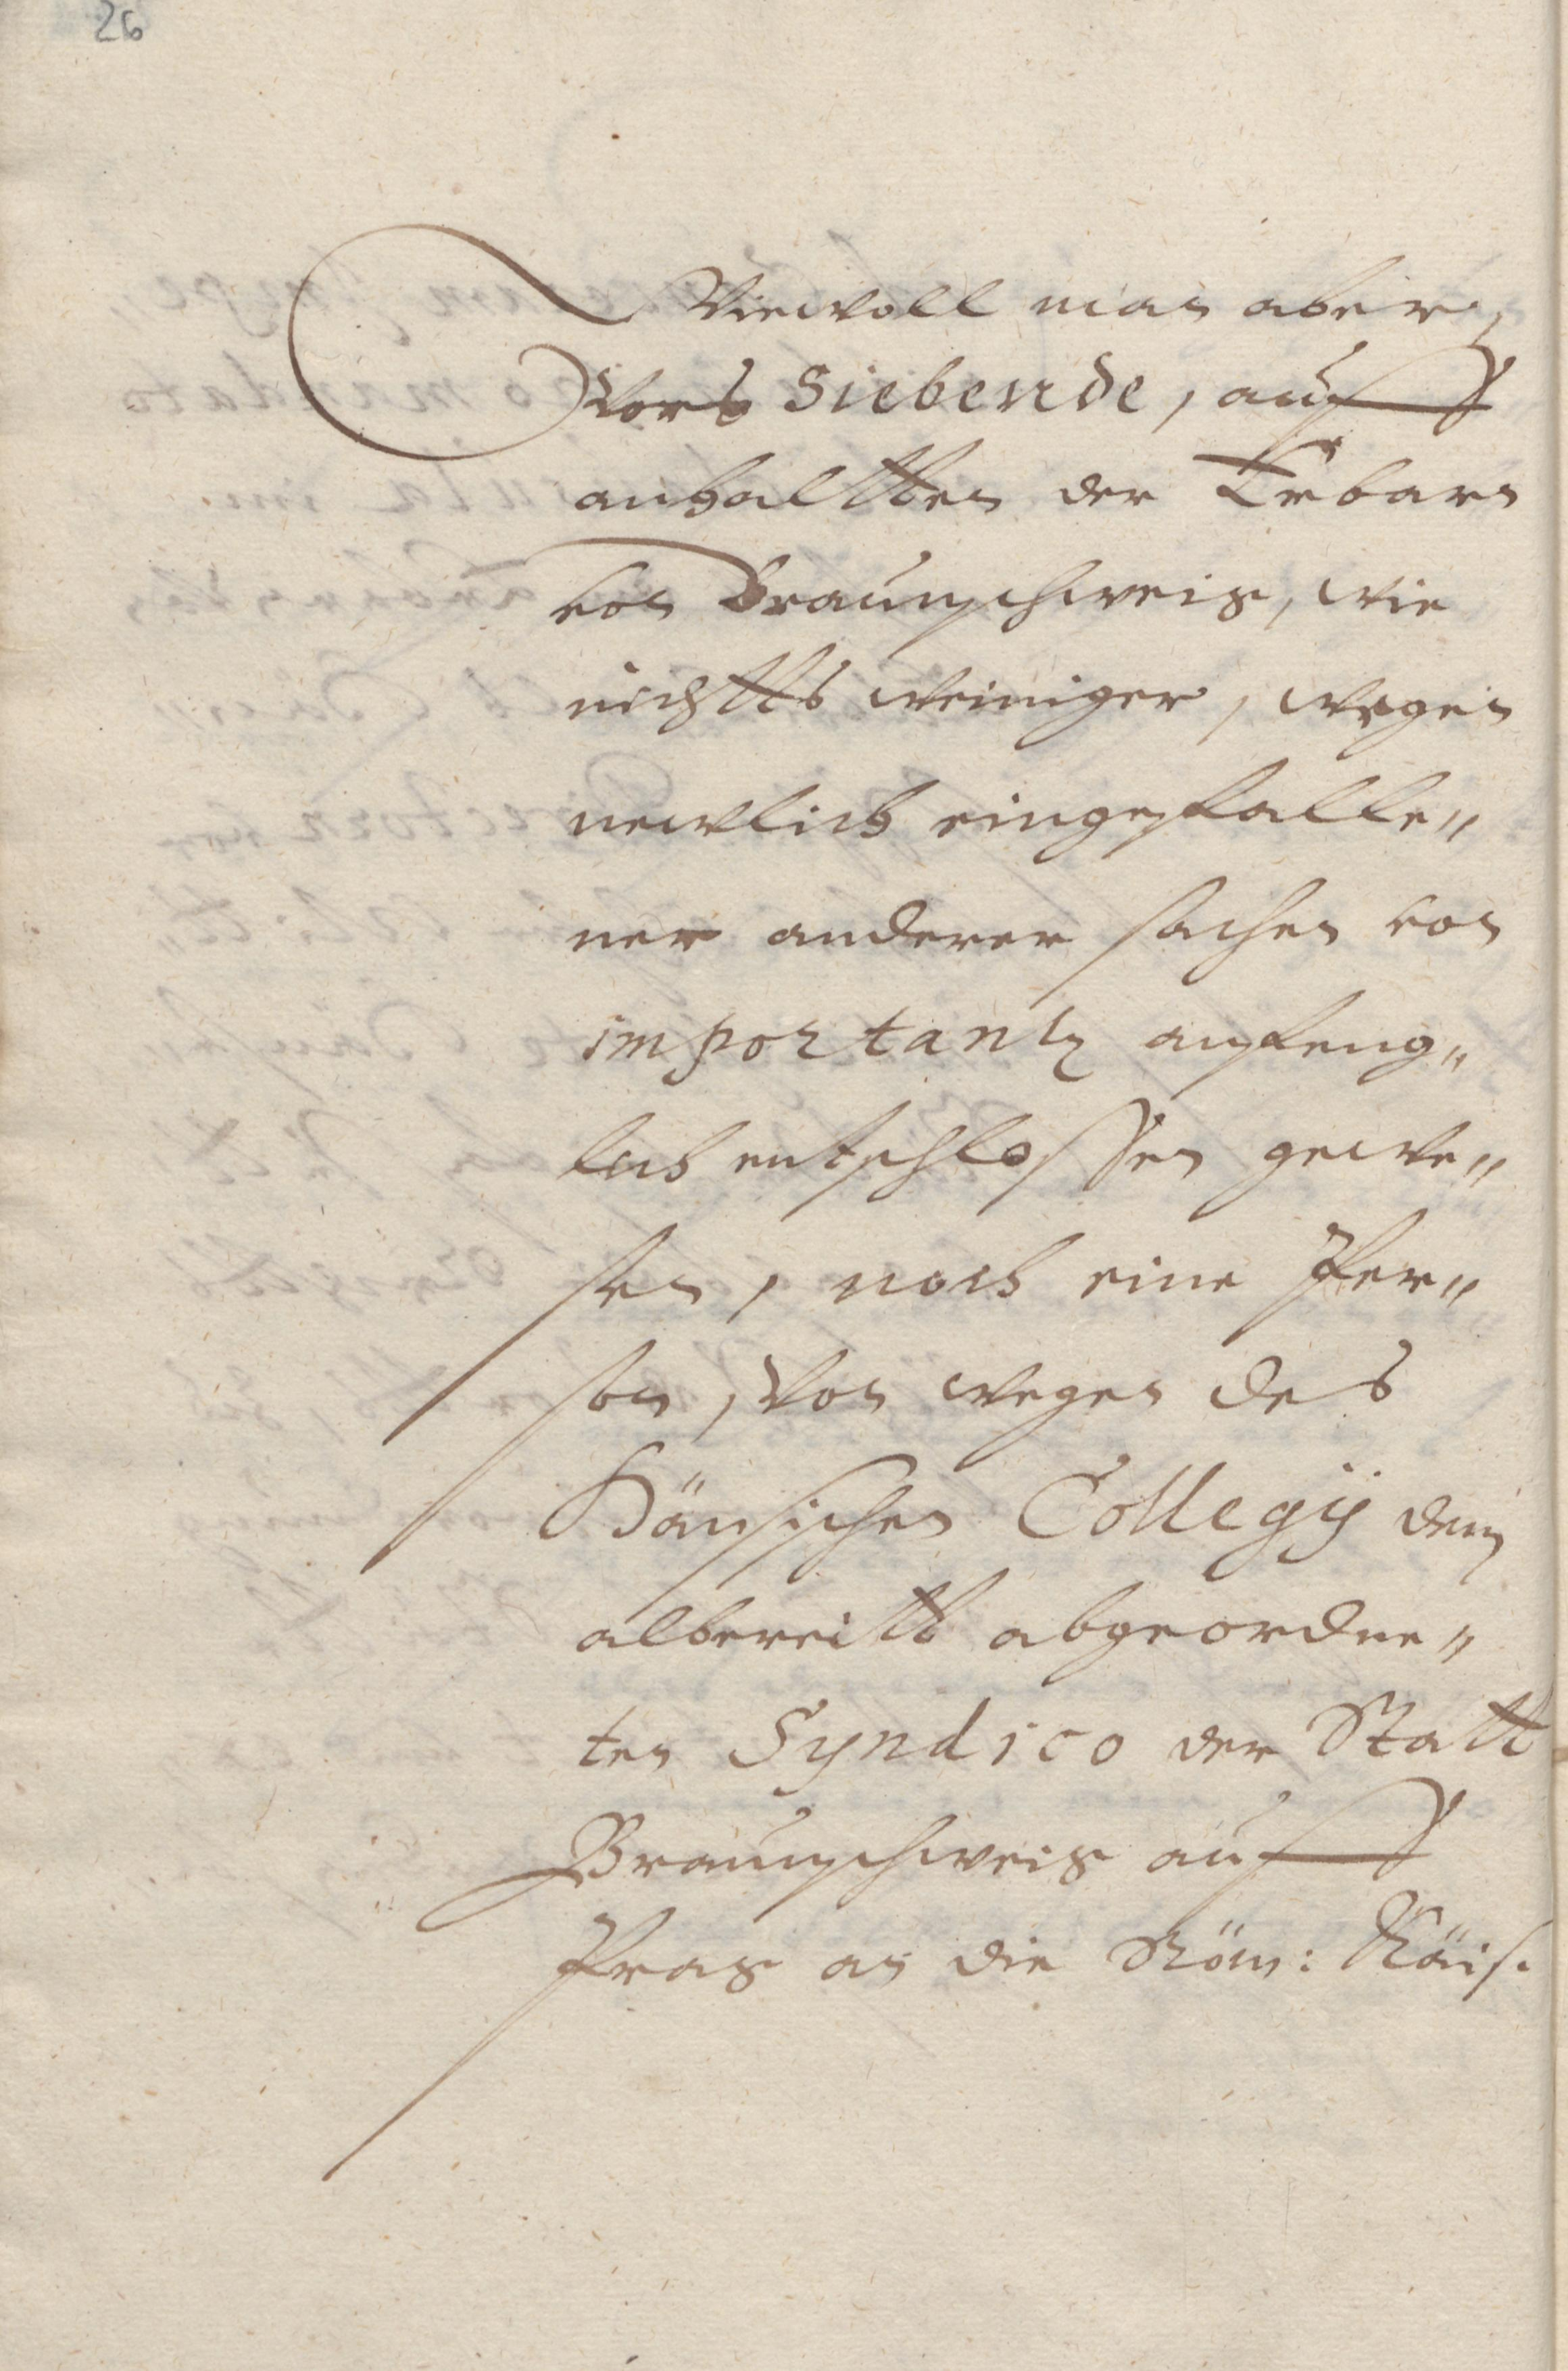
Wiewoll man aber,
Vors Siebende, auff
anhaltten der Erbarn
von Braunschweig, wie
nichtts weiniger, wegen
newlich eingefalle¬
ner anderer sachen von
importantz anfeng¬
lich entschlossen gewe¬
sen, noch eine Per¬
son, von wegen des
Hänsischen Collegij dem
albereitt abgeordne¬
ten Syndico der Statt
Braunschweig auff
Prag an die Röm: Käis.
